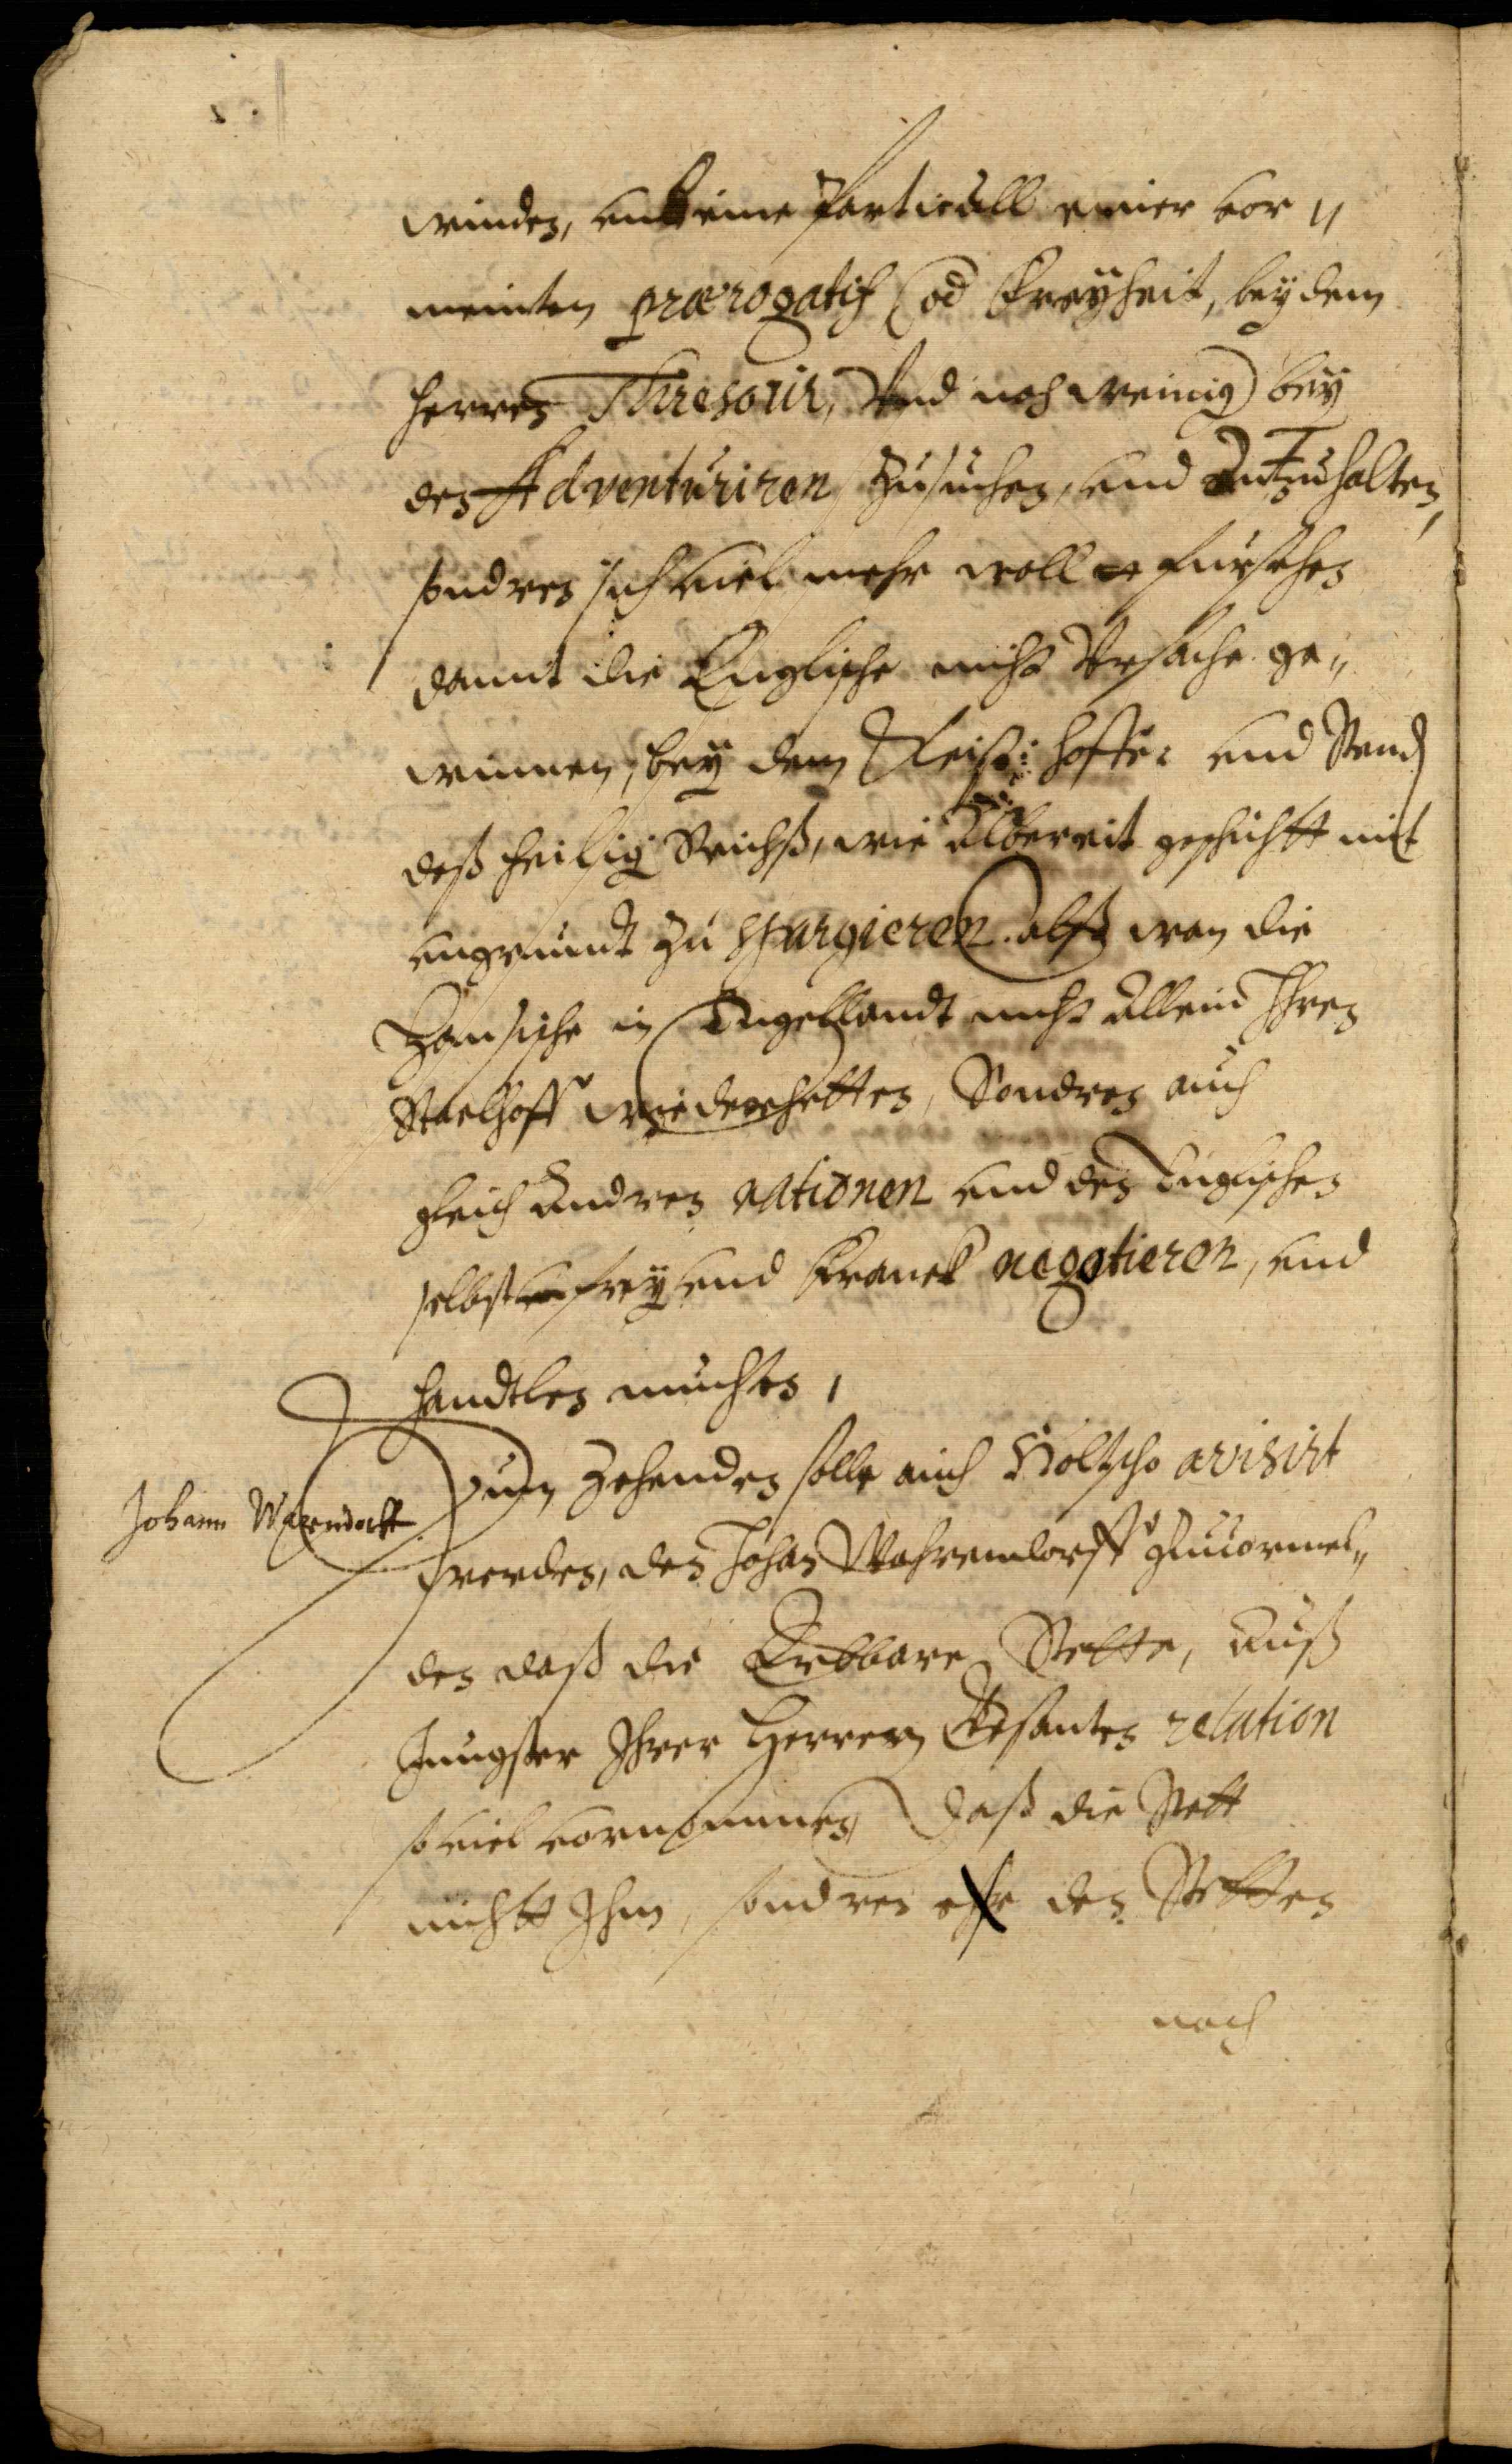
winden, vnd eine Particull einer vor¬
meinten praerogatif oder Freijheit, beij dem
herren Thresorir, Vnd noch weiniger beij
den Adventuriren zusuchen, vnd Antzuhalten,
sondren sich viel mehr woll et furstehen
damit die Englische nicht vrsache ge¬
winnen, beij dem Keiß: hoffe vnd Stenden
deß heiligen Reichß, wie Albereit geschihtt mit
vngrundt zu spargieren. Alß wan die
Hansische in Engellandt nicht Allein Ihren
Staelhoff wiederhetten, Sondren auch
gleich Andren nationen vnd den Englischen
selbst vor freij vnd Franck negotieren, vnd
handlen muchten,
Zum Zehenden solle auch Holtscho avisirt
werden, den Johan Wahrendorff zuuormel¬
den daß die Erbare Stette, Auß
Jungster Ihrer Herren Gesanten relation
so viel vornommen, Daß die Stett
nichtt Ihm, sondren ehr den Stetten
nach
Johann Warendorff
